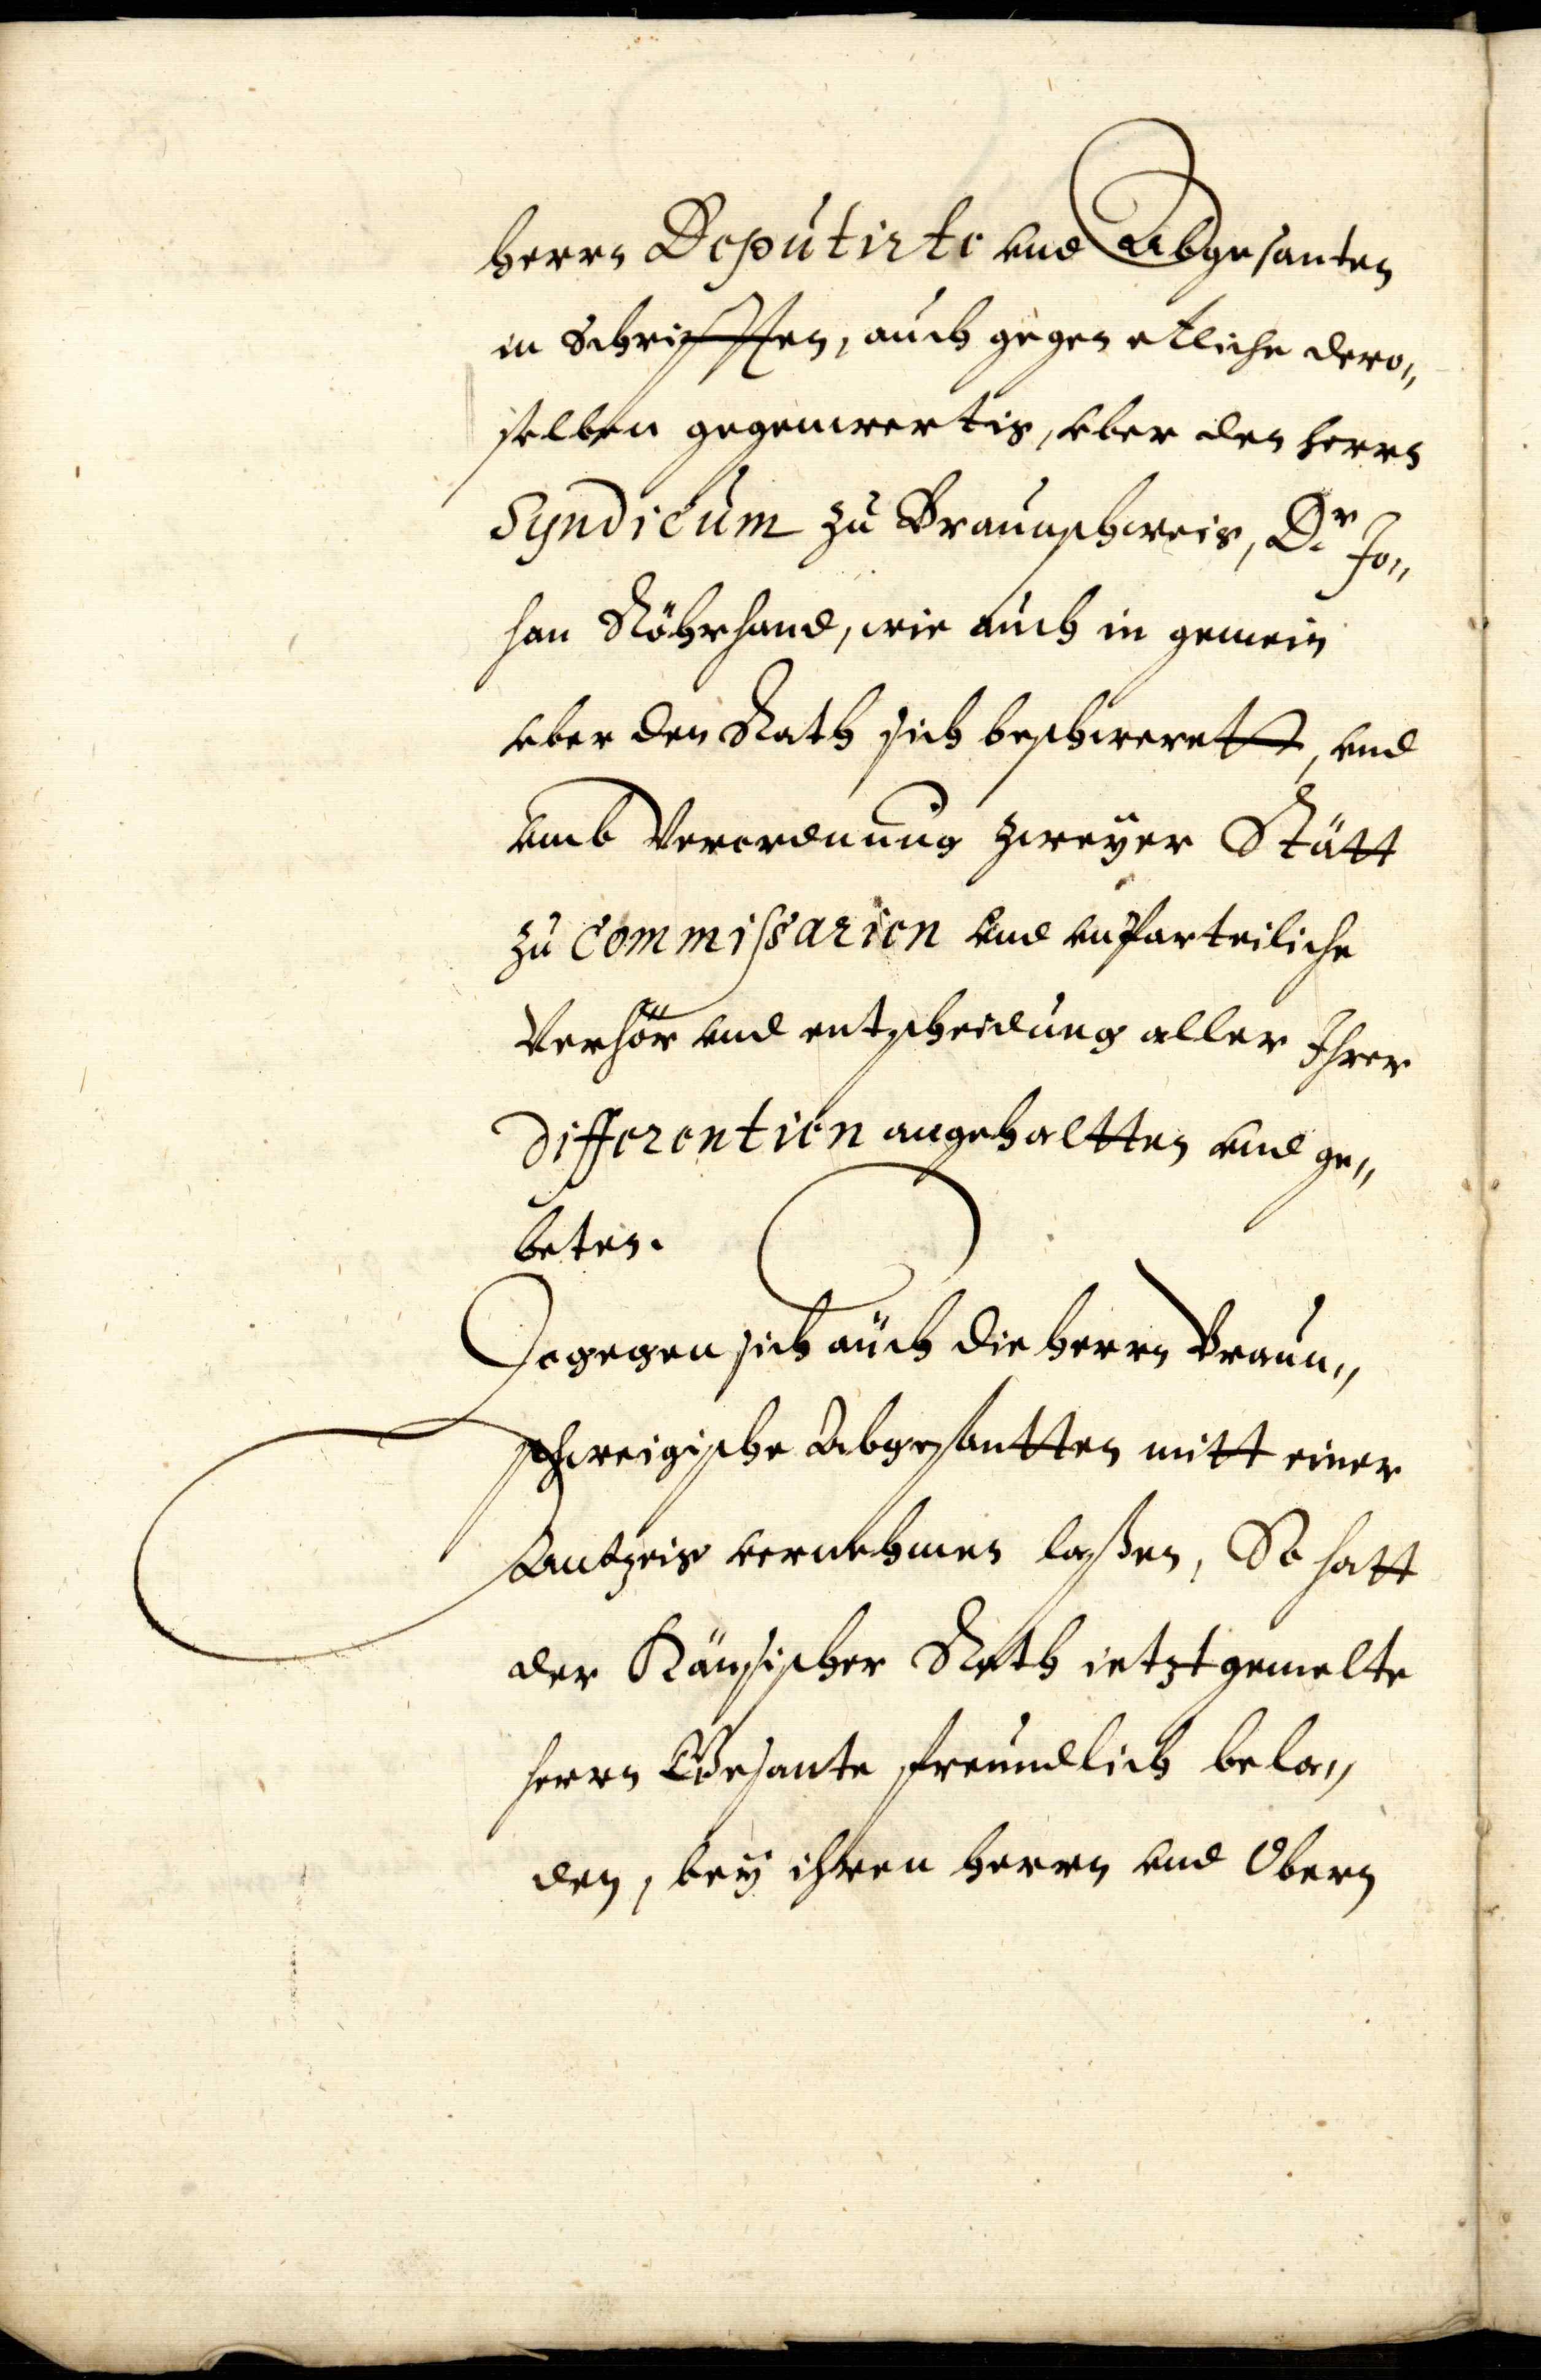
herrn Deputirte vnd Abgesanten
in Schrifften, auch gegen etliche dero¬
selben gegenwertig, vber den herrn
Syndicum zu Braunschweig, Dr. Jo¬
han Röhrhand, wie auch in gemein
vber den Rath sich beschwerett, vnd
vmb Verordnung zweijer Stätt
zu commissarien vnd vnparteiliche
Verhör vnd entscheidung aller Ihrer
differentien angehaltten vnd ge¬
beten.
Dagegen sich auch die herrn Braun¬
schweigische Abgesantten mitt einer
Antzeige vernehmen laßen, So hatt
der Hänsischer Rath ietztgemelte
herrn Gesante freundlich bela¬
den, beij ihren herrn vnd Obern
